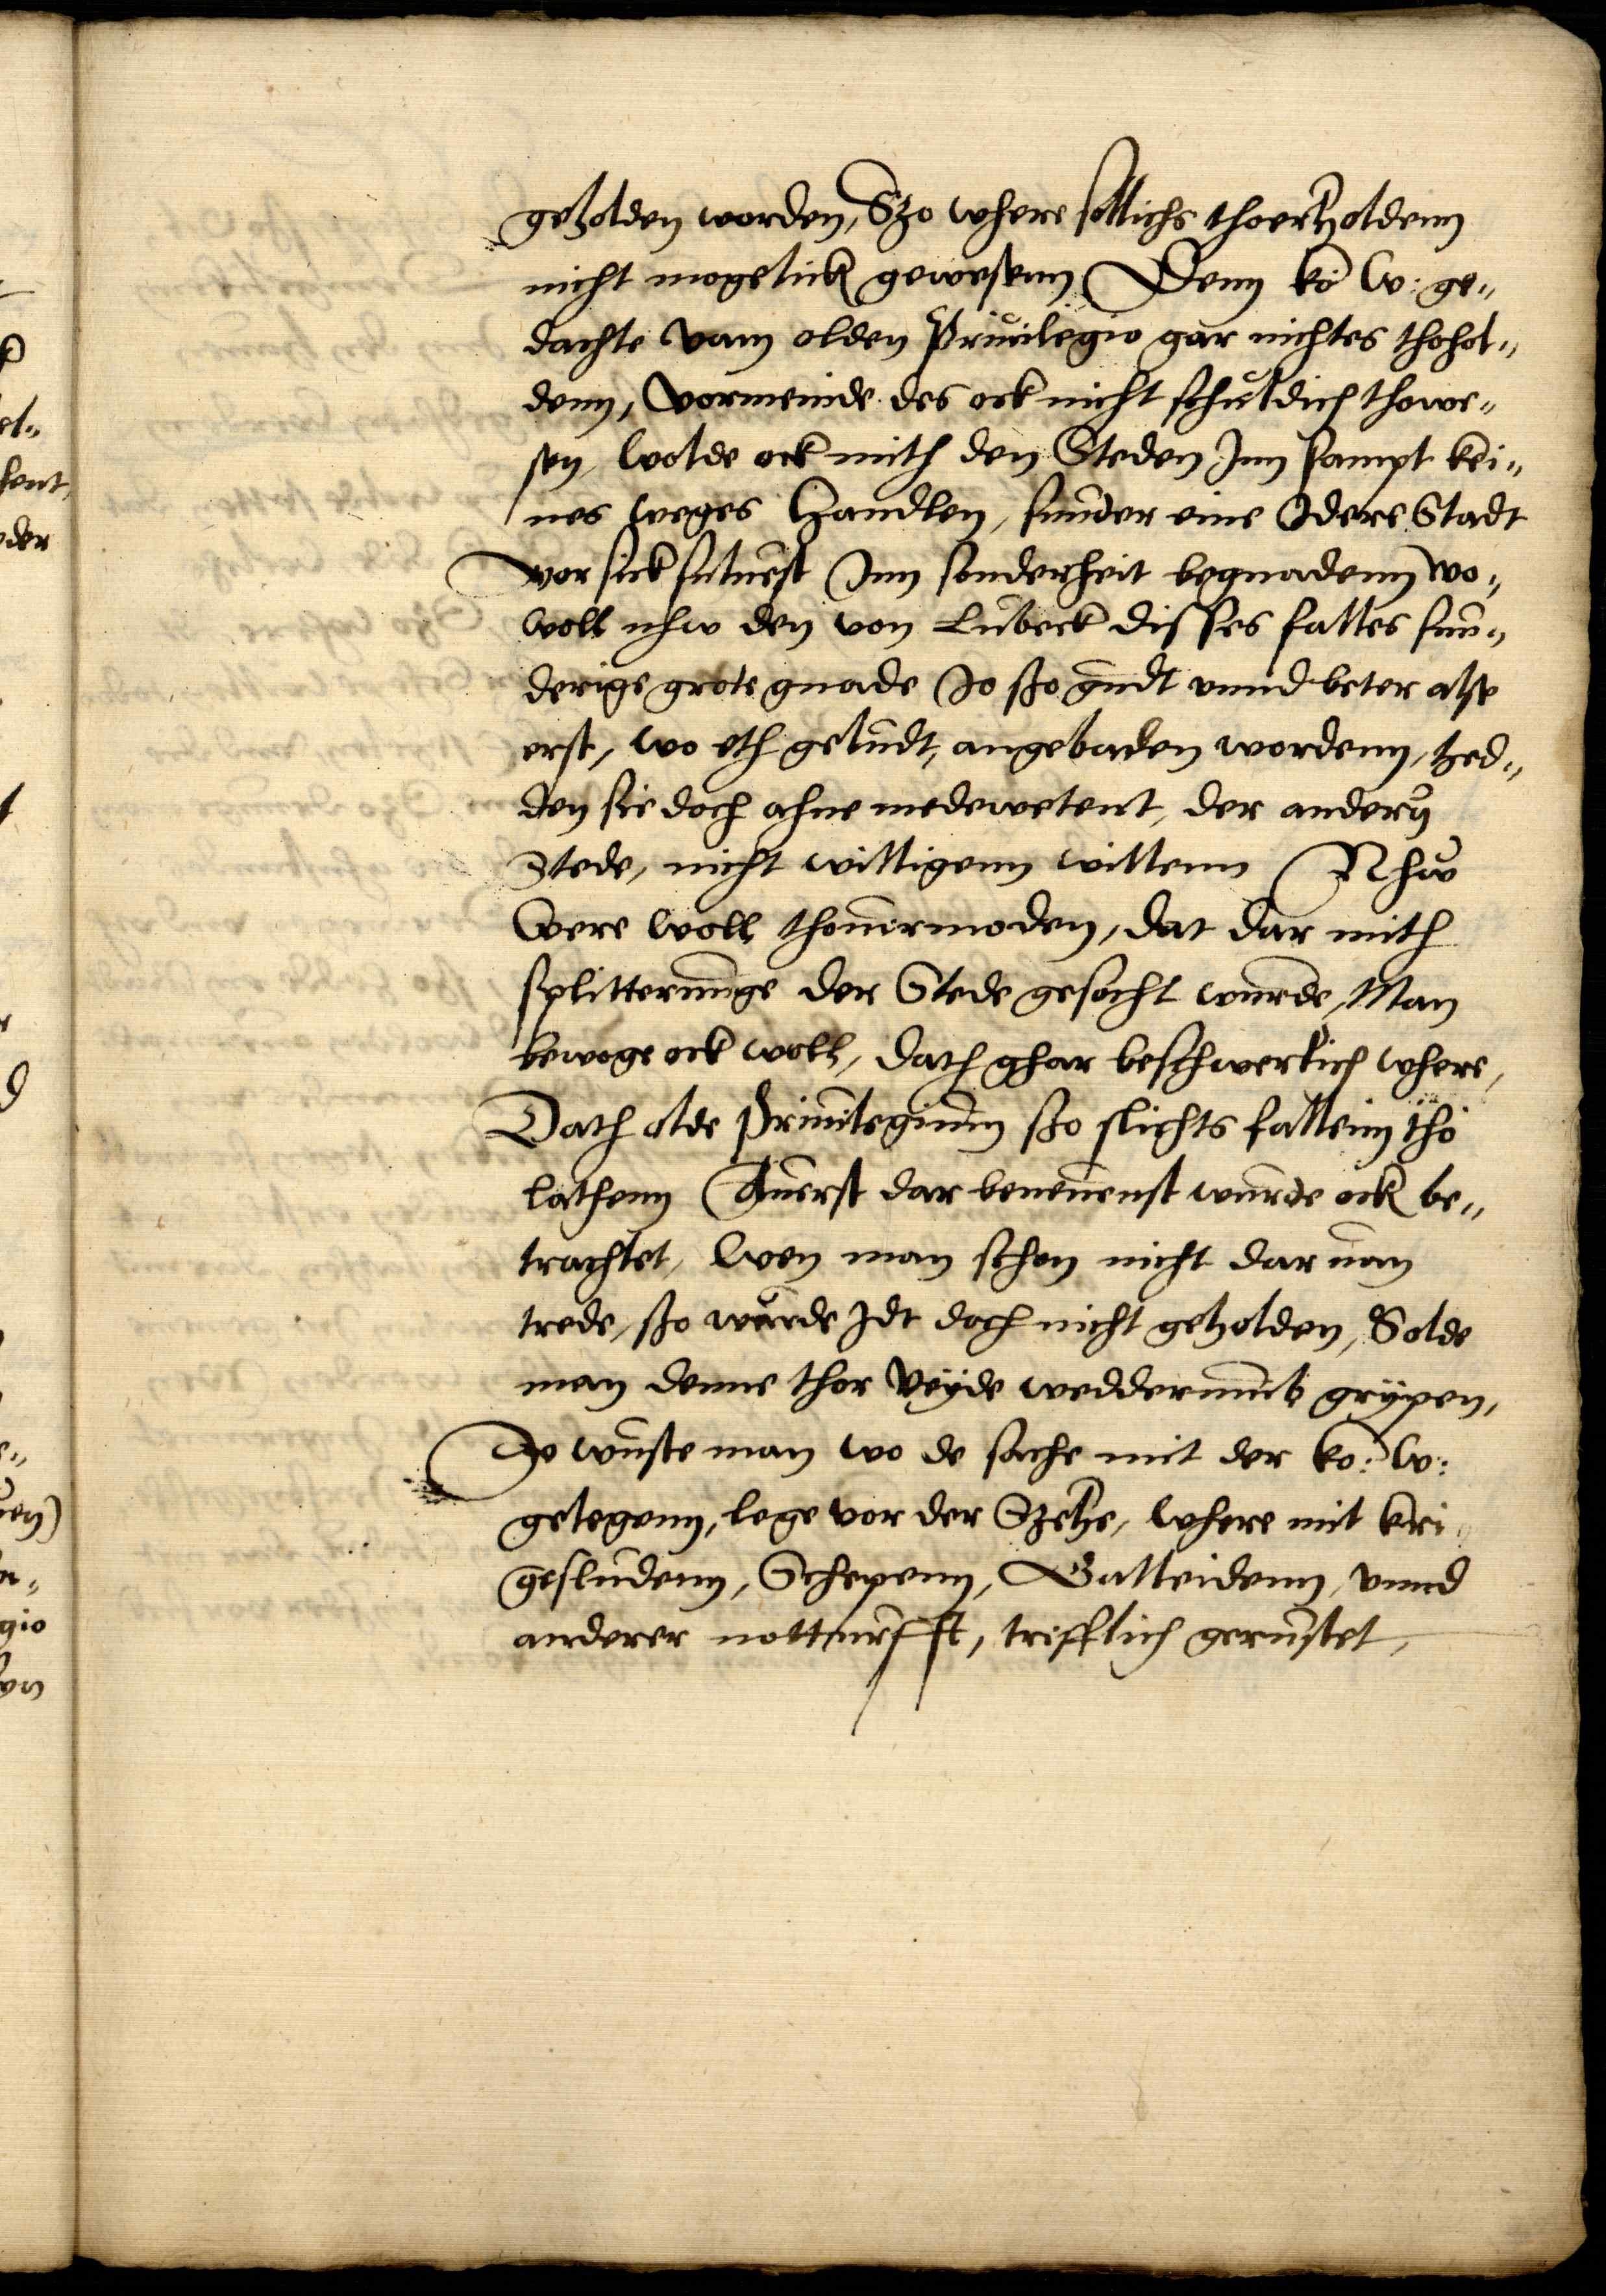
geholden worden. Szo where sollichs thoerholdenn
nicht mogelick gewesenn Denn Ko: W: ge¬
dachte vam olden Priuilegio gar nichtes thohol¬
denn, vormeinde des ock nicht schuldig thowe¬
sen, wolde ock mith den Steden Inn sampt kei¬
nes weges handlen, sunder eine Idere Stadt
vor sick suluest Inn sonderheit begnadenn wo¬
woll nhw den von Lubeck disses falles sun¬
derigs grote gnade Io ßo gudt vnnd beter alse
erst, wo eth geludt, angebaden wordenn, hed¬
den sie doch ahne mederwetent, der andern
Stede, nicht willigenn willenn Nhw
were woll thouermoden, dat dar mith
splitterunge der Stede gesocht wurde, Man
bewege ock woll, dath ghar beschwerlich where,
Dath olde Priuilegium ßo slichts fallenn tho
lathenn Auerst dar beneuenst wurde ock be¬
trachtet, wen man schon nicht dar uan
trede, ßo wurde Idt doch nicht geholden, Solde
man denne thor veijde wedderumb grijpen,
Szo wuste man wo de sache mit der Ko: W:
gelegenn, lege vor der Szehe, where mit kri¬
gesludenn, Schepenn, Galleidenn, vnnd
anderer notturfft, trifflich gerustet
